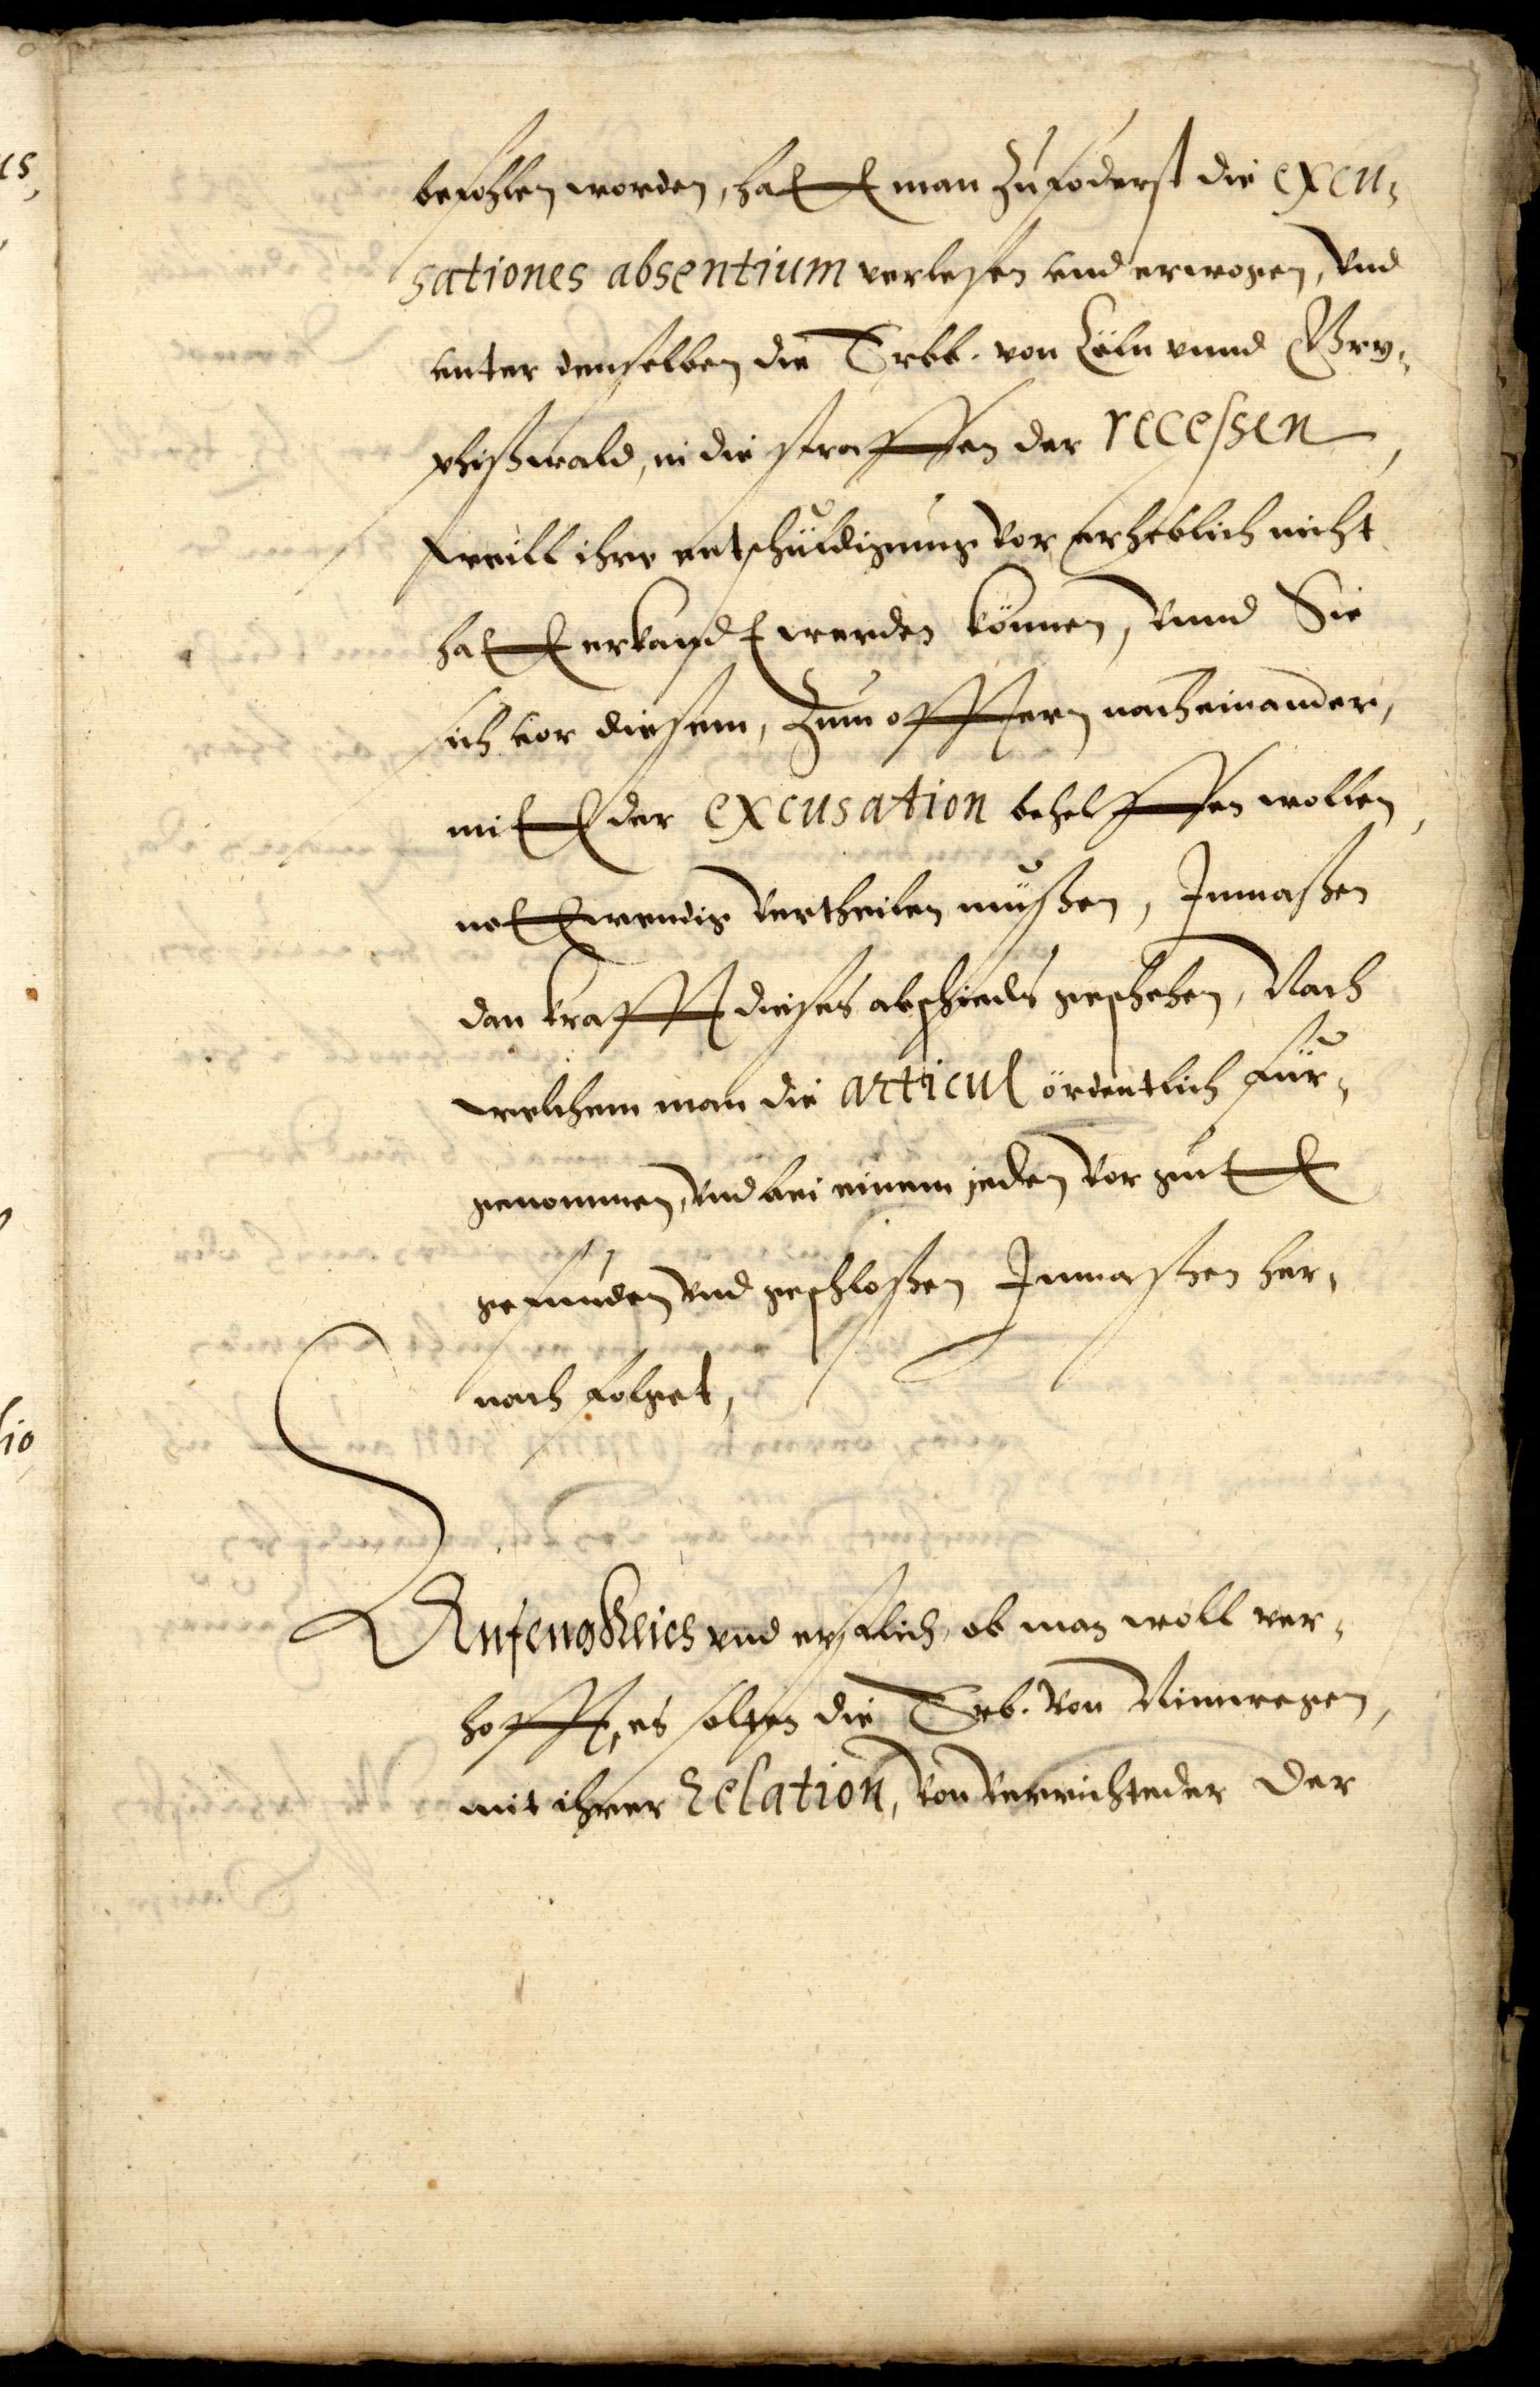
befohlen worden, hatt man zufoderst die excu¬
sationes absentium verlesen vnd erwogen, vnd
vnter denselben die Erbb. von Cöln vnd Gry¬
phißwald, in die straffen der recessen,
weill ihre entschüldigung vor erheblich nicht
hatt erkandt werden können, Vnd Sie
sich vor diesem, Zum offtern nacheinander,
mitt der excusation behelffen wollen,
nottwendig Vertheilen müßen, Inmaßen
dan krafft dieses abschieds geschehen, Nach
welchem man die articul ördentlich für¬
genommen, Vnd bei einem jeden vor gutt
gefunden vnd geschloßen Inmaßen her¬
nach folget,
Anfengklich vnd erstlich, ob man woll ver¬
hofft, es solten die Erb. von Nimwegen,
mit ihrer relation, Von Verrichteder der
